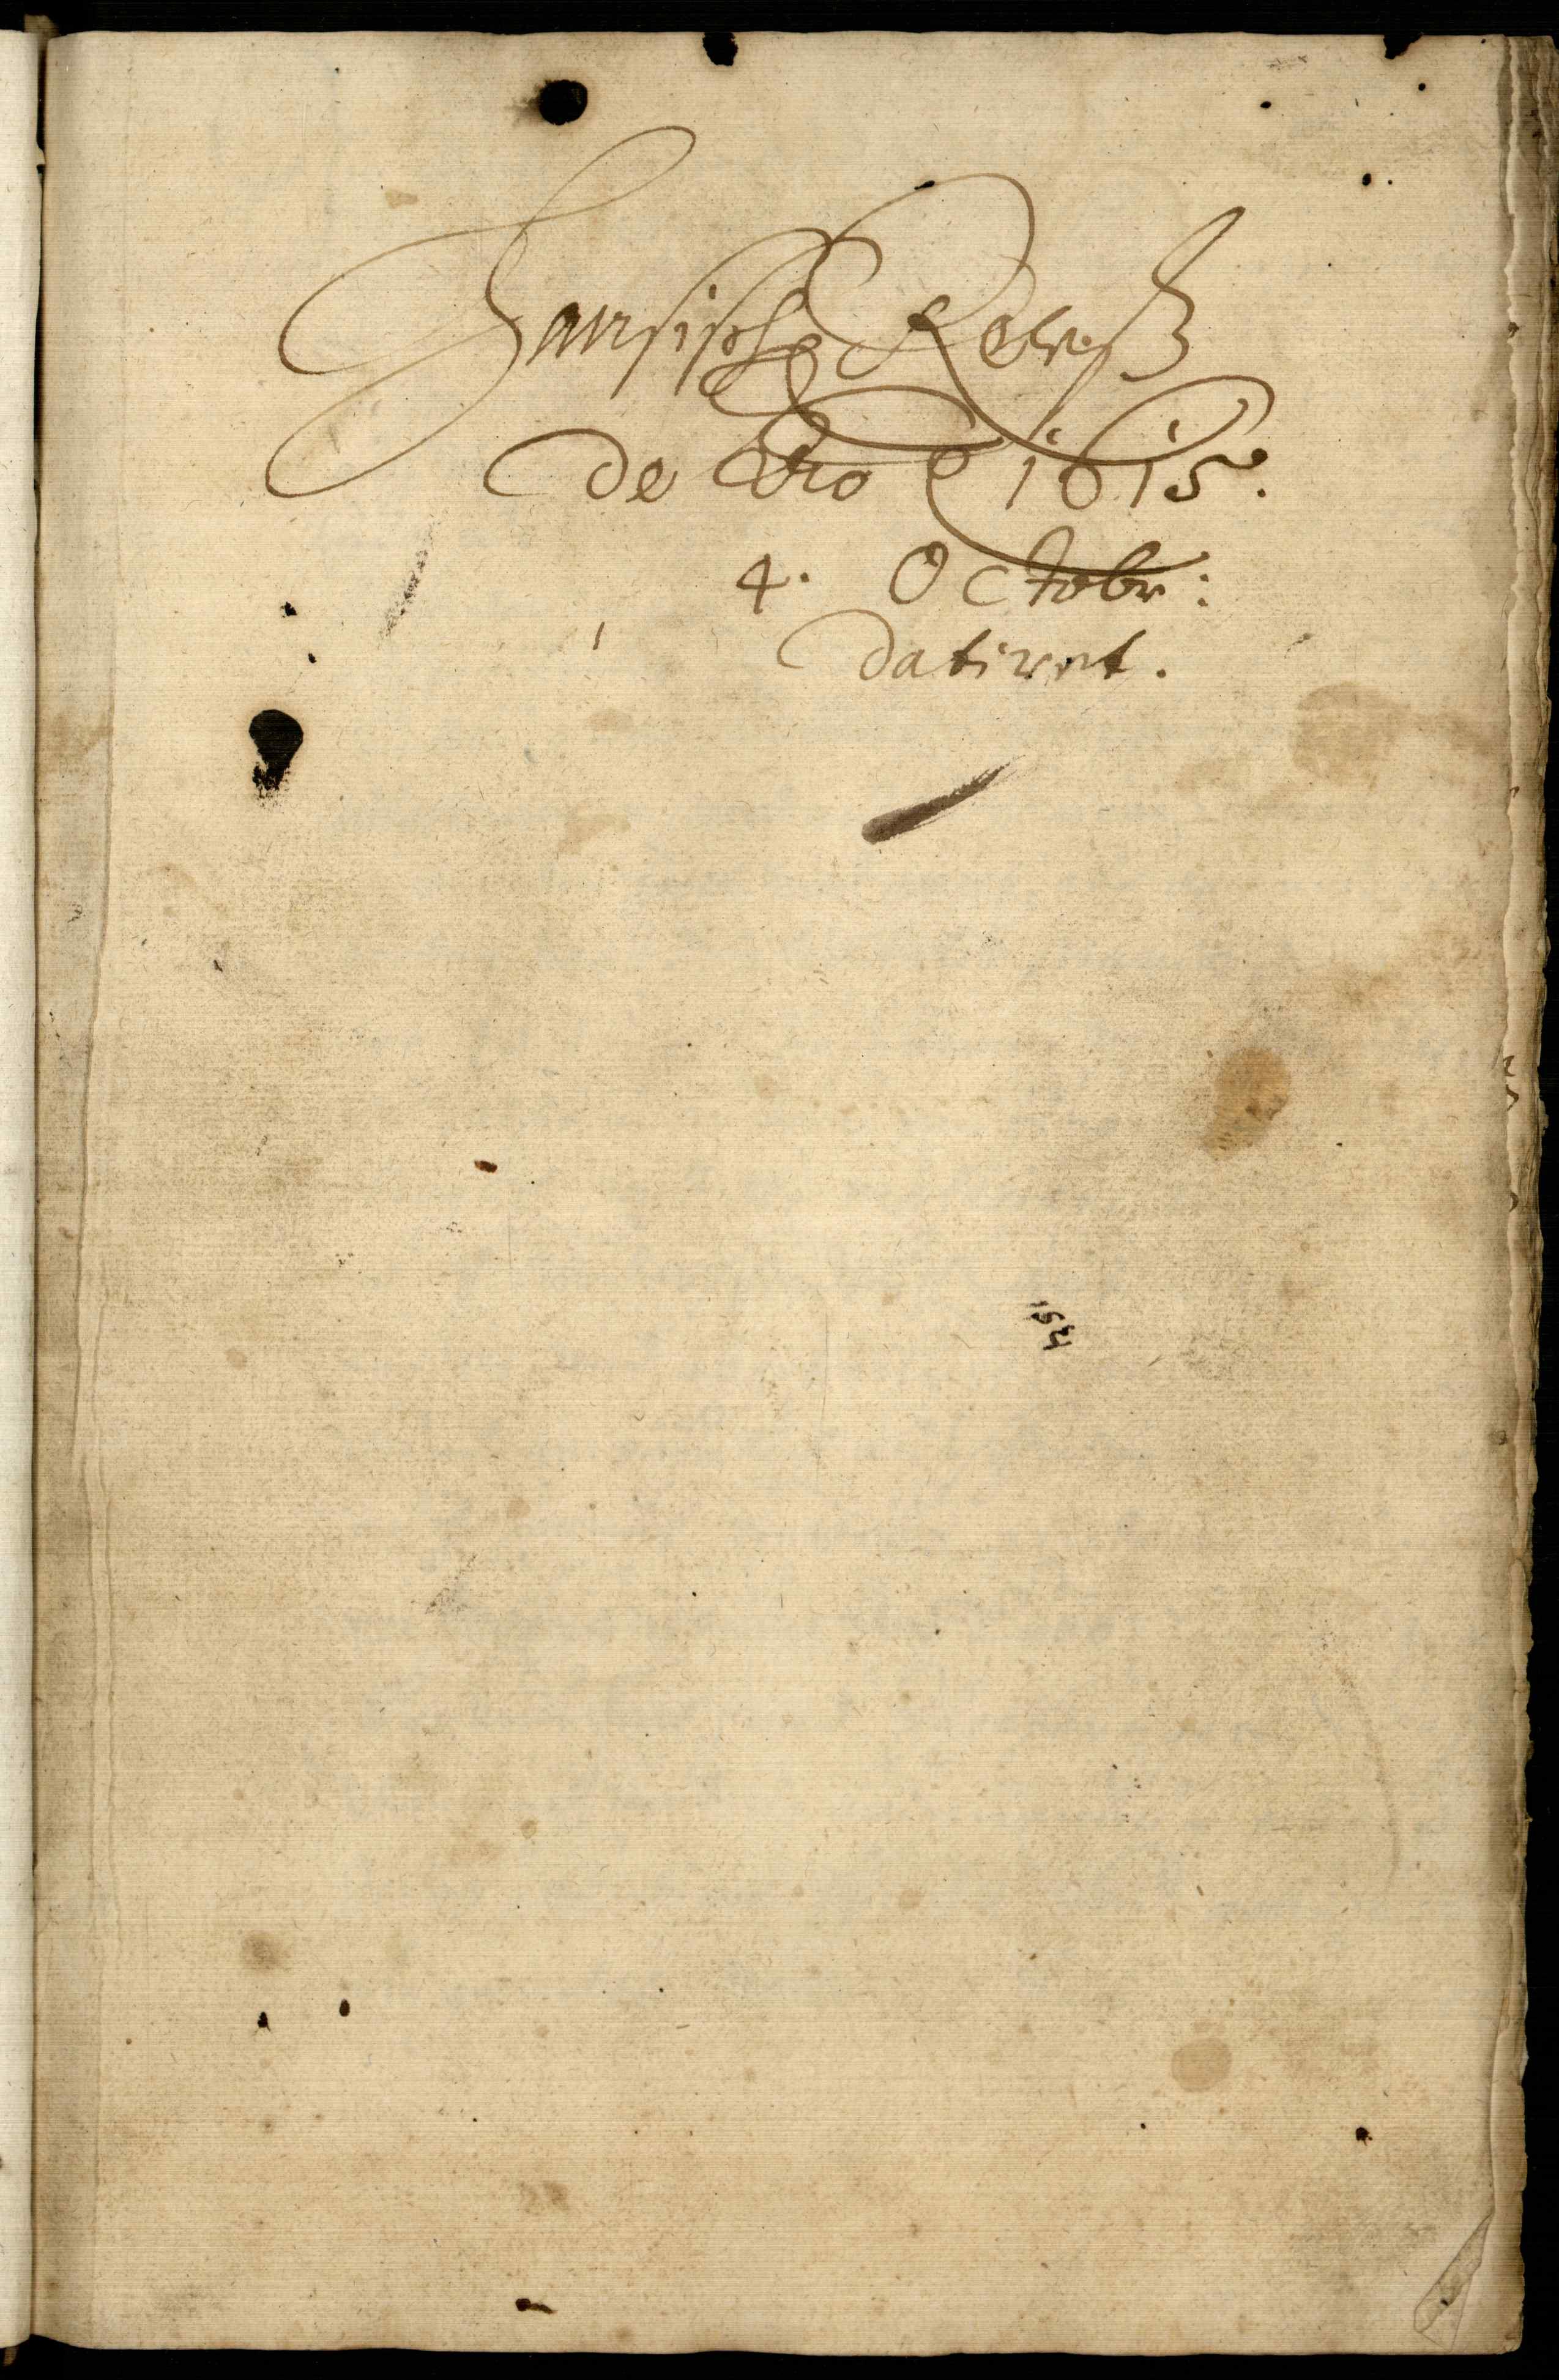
Hansische Receß
de Ao p 1615.
4. Octobr:
datiret.
